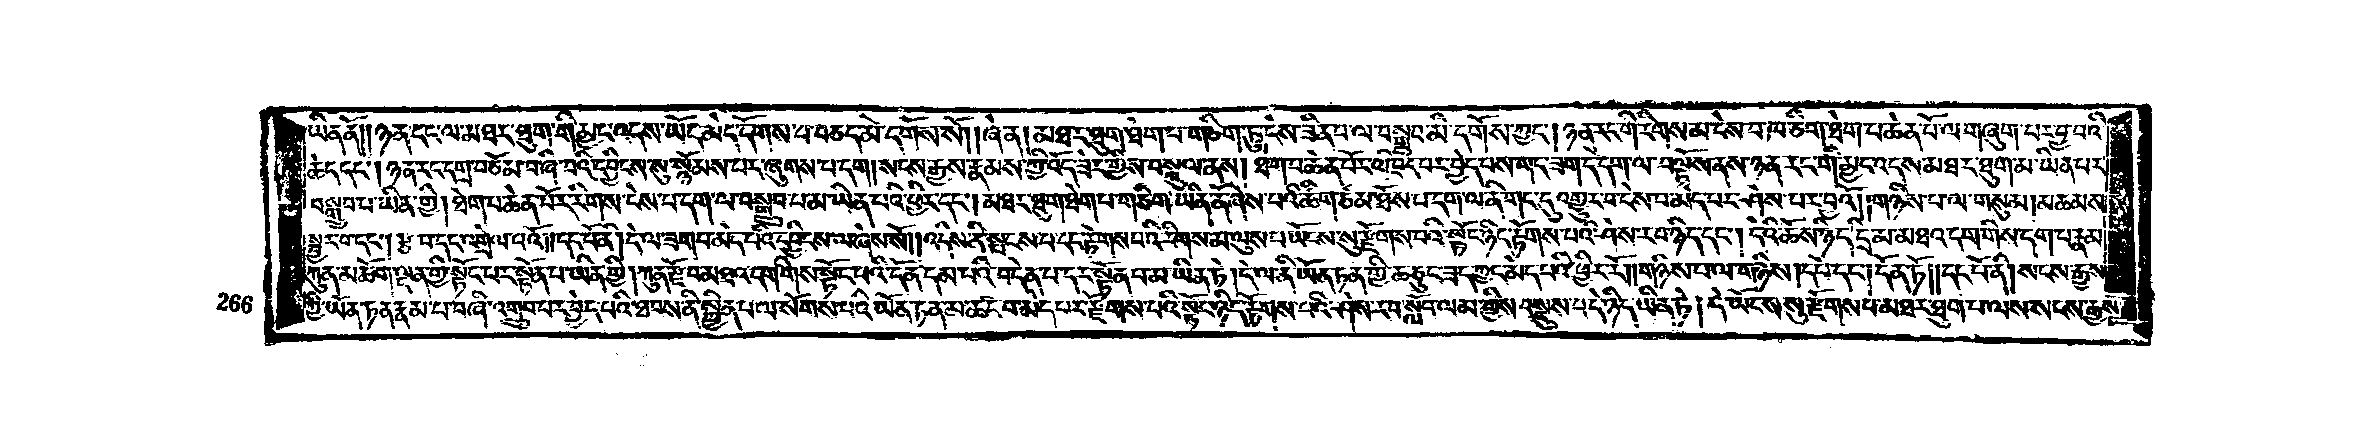ཡིན་ནོ། །ཉན་དང་ལ་མཐར་ཐུག་གི་མྱང་འདས་ཡོད་མེད་དོགས་པ་བཅད་མེ་དགོས་སོ། །ཞེ་ན། མཐར་ཐུག་ཐེག་པ་གཅིག་ཏུ་ངེས་ཟིན་པ་ལ་བསྒྲུབ་མི་དགོས་ཀྱང་། ཉན་རང་གི་རིགས་མ་ངེས་པ་ཁ་ཅིག་ཐེག་པ་ཆེན་པོ་ལ་གཞུག་པར་བྱ་བའི་
ཆེད་དང་། ཉན་རང་དགྲ་བཅོམ་པ་ཞི་བའི་དབྱིངས་སུ་སྙོམས་པར་ཞུགས་པ་དག །སངས་རྒྱས་རྣམ་ཀྱི་འོད་ཟེར་གྱིས་བསྐུལ་ནས། ཐེག་པ་ཆེན་པོ་འཁྲིད་པར་བྱེད་པས་གང་ཟག་དེ་དག་ལ་བལྟོས་ནས་ཉན་རང་གི་མྱང་འདས་མཐར་ཐུག་མ་ཡིན་པར་
བསྒྲུབ་པ་ཡིན་གྱི་།ཐེག་པ་ཆེན་པོར་རིགས་ངེས་པ་དག་ལ་བསྒྲུབ་པ་མ་ཡིན་པའི་ཕྱིར་དང་། མཐར་ཐུག་ཐེག་པ་གཅིག་ཡིན་ནོ་ཞེས་པའི་ཚིག་ཙམ་ཐོས་པ་དག་ལ་ནི་གང་དུ་འགྱུར་བ་ངེས་པ་མེད་པར་ཤེས་པར་བྱའོ། །གཉིས་པ་ལ་གསུམ། མཚམས་
སྦྱར་བ་དང་། རྩ་བ་དང་འགྲེལ་པའོ། །དང་པོ་ནི། དེ་ལ་ཟག་པ་མེད་པའི་དབྱིངས་ལ་ཞེས་སོ། །འདིས་ནི་སྤངས་པ་དང་རྟོགས་པའི་རིགས་མ་ལུས་པ་ཡོངས་སུ་རྫོགས་པའི་སྟོང་ཉིད་རྟོགས་པའི་ཤེས་རབ་ཉིད་དང་། དེའི་ཆོས་ཉིད་དྲི་མ་མཐའ་དག་གིས་དག་པ་རྣམ་
ཀུན་མཆོག་ལྡན་གྱི་སྟོང་པར་སྟོན་པ་ཡིན་གྱི་།ཀུན་རྫོབ་མཐའ་དག་གིས་སྟོང་པའི་དོན་དམ་པའི་བདེན་པ་དར་སྟོན་པ་མ་ཡིན་ཏེ། དེ་ལ་ནི་ཡོན་ཏན་གྱི་ཆ་ཅུང་ཟད་ཀྱང་མེད་པའི་ཕྱིར་རོ། །གཉིས་པ་ལ་གཉིས། དཔེ་དང་། དོན་ཏོ། །དང་པོ་ནི། སངས་རྒྱས་
ཀྱི་ཡོན་ཏན་རྣམ་པ་བཞི་འགྲུབ་པར་བྱེད་པའི་ཐབས་ནི་སྦྱིན་པ་ལ་སོགས་པའི་ཡོན་ཏན་མ་ཚང་བ་མེད་པར་རྫོགས་པའི་སྟོང་ཉིད་རྟོགས་པའི་ཤེས་རབ་སློབ་ལམ་གྱིས་བསྡུས་པ་དེ་ཉིད་ཡིན་ཏེ། དེ་ཡོངས་སུ་རྫོགས་པ་མཐར་ཐུག་པ་ལས་སངས་རྒྱས་